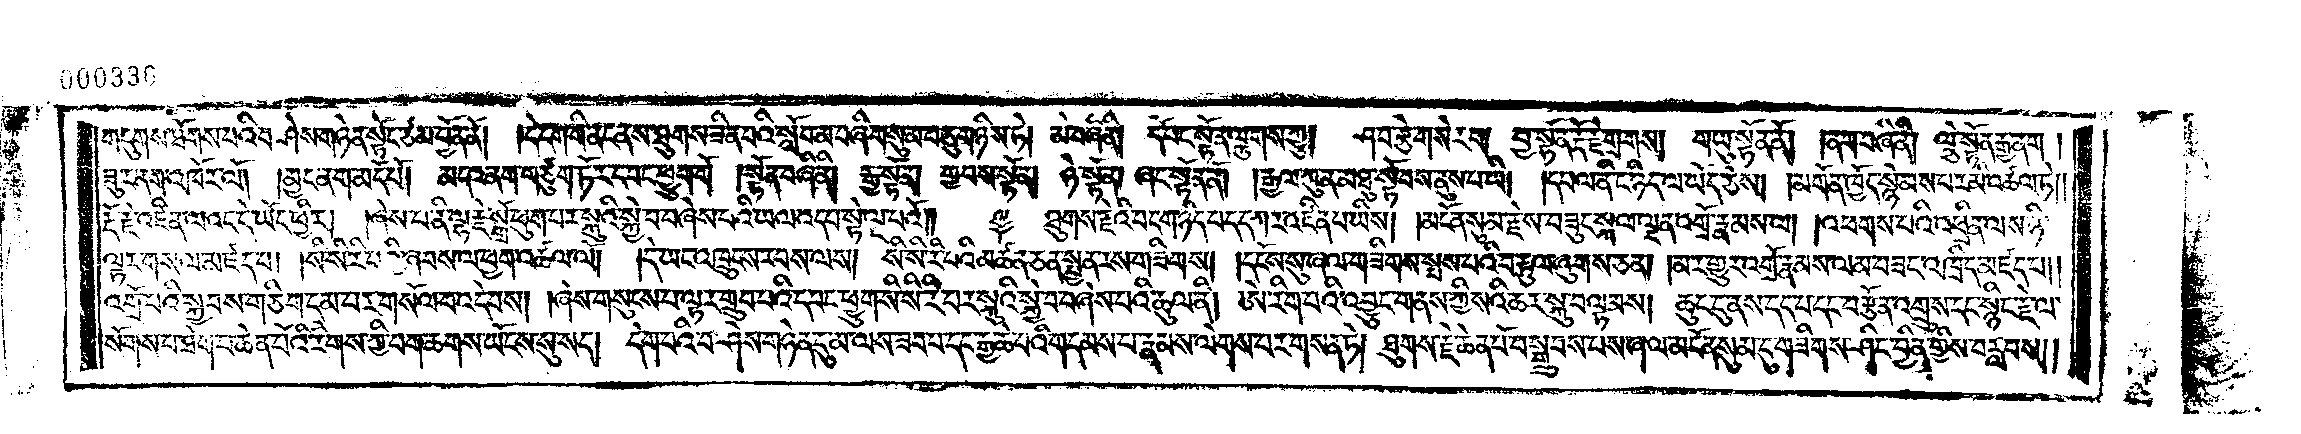གདུགས་ཐོགས་པའི་བཤེས་གཉེན་སྟོང་ཙམ་བྱོན་ནོ། །དེ་དག་གི་ནང་ནས་ཐུགས་ཟིན་པའི་སློབ་མ་བཞི་གསུམ་བཅུ་གཉིས་ཏེ། མེ་བཞི་ནི། དོ་པང་སྟོན་ལྕགས་ཀྱུ། ཤབ་རྩེ་གསེར་བ། བྱ་སྟོན་རྡོ་རྗེ་གྲགས། གཡུ་སྟོན་ནོ། །ནག་བཞི་ནི། ལྕེ་སྟོན་རྒྱ་ནག།
ཟུར་ནག་འཁོར་ལོ། །མྱང་ནག་མདོ་པོ། མདའ་ནག་གཙུག་ཏོར་དབང་ཕྱུག་གོ །སྟོན་བཞི་ནི། རྒྱ་སྟོན། གྱབས་སྟོན། ཉེ་སྟོན། ཞང་སྟོན་ནོ། །རྒྱལ་ཀུན་མཐུ་སྟོབས་ནུས་པ་ཡི། །དཔལ་ནི་ང་ཉིད་ལ་ཡོད་ཅེས། །མགོན་ཁྱོད་སྙེམས་པར་མི་འཚལ་ཏེ།།
རྡོ་རྗེ་འཛིན་ལའང་དེ་ཡོད་ཕྱིར། །ཞེས་པ་ནི་ལྷ་རྗེ་སྒྲོ་ཕུག་པར་སྐུའི་སྐྱེ་བ་བཞེས་པའི་ཡལ་འདབ་སྟེ་ལྔ་པའོ།། ༈ ཐུགས་རྗེའི་བདག་ཉིད་པད་དཀར་འཛིན་པ་ཡིས། །མངོན་སུམ་རྗེས་བཟུང་སྐལ་ལྡན་འགྲོ་རྣམས་ལ། །འཕགས་པའི་འཕྲིན་ལས་ཉི་
ལྟར་གསལ་མཛད་པ། །སི་སི་རི་པའི་ཞབས་ལ་ཕྱག་འཚལ་ལོ། །དེ་ཡང་འཁྲུངས་རབས་ལས། སི་སི་རི་པའི་མཚན་ཅན་སྤྱན་རས་གཟིགས། །དངོས་སུ་ཞལ་གཟིགས་སྤས་པའི་བརྟུལ་ཞུགས་ཅན། །མར་གྱུར་འགྲོ་རྣམས་ལམ་བཟང་འཁྲིད་མཛད་པ།།
འགྲོ་པའི་སྐྱབས་གཅིག་དམ་པར་གསོལ་བ་འདེབས། །ཞེས་གསུངས་པ་ལྟར་གྲུབ་པའི་དབང་ཕྱུག་སི་སི་རི་པར་སྐུའི་སྐྱེ་བ་བཞེས་པའི་ཚུལ་ནི། ཨེ་རིག་པའི་འབྱུང་གནས་ཀྱི་སའི་ཆར་སྐུ་བལྟམས། ཆུང་ངུ་ནས་དང་པ་དང་བརྩོན་འགྲུས་དང་སྙིང་རྗེ་ལ་
སོགས་པ་ཐེག་པ་ཆེན་པོའི་རིགས་ཀྱི་བག་ཆགས་ཡོངས་སུ་སད། དགེ་པའི་བཤེས་གཉེན་དུ་མ་ལས་ཟབ་པ་དང་རྒྱ་ཆེ་པའི་གདམས་པ་རྣམས་ལེགས་པར་གསན་ཏེ། ཐུགས་རྗེ་ཆེན་པོ་བསྒྲུབས་པས་ཞལ་མངོན་སུམ་དུ་གཟིགས་ཤིང་བྱིན་གྱིས་བརླབས།།